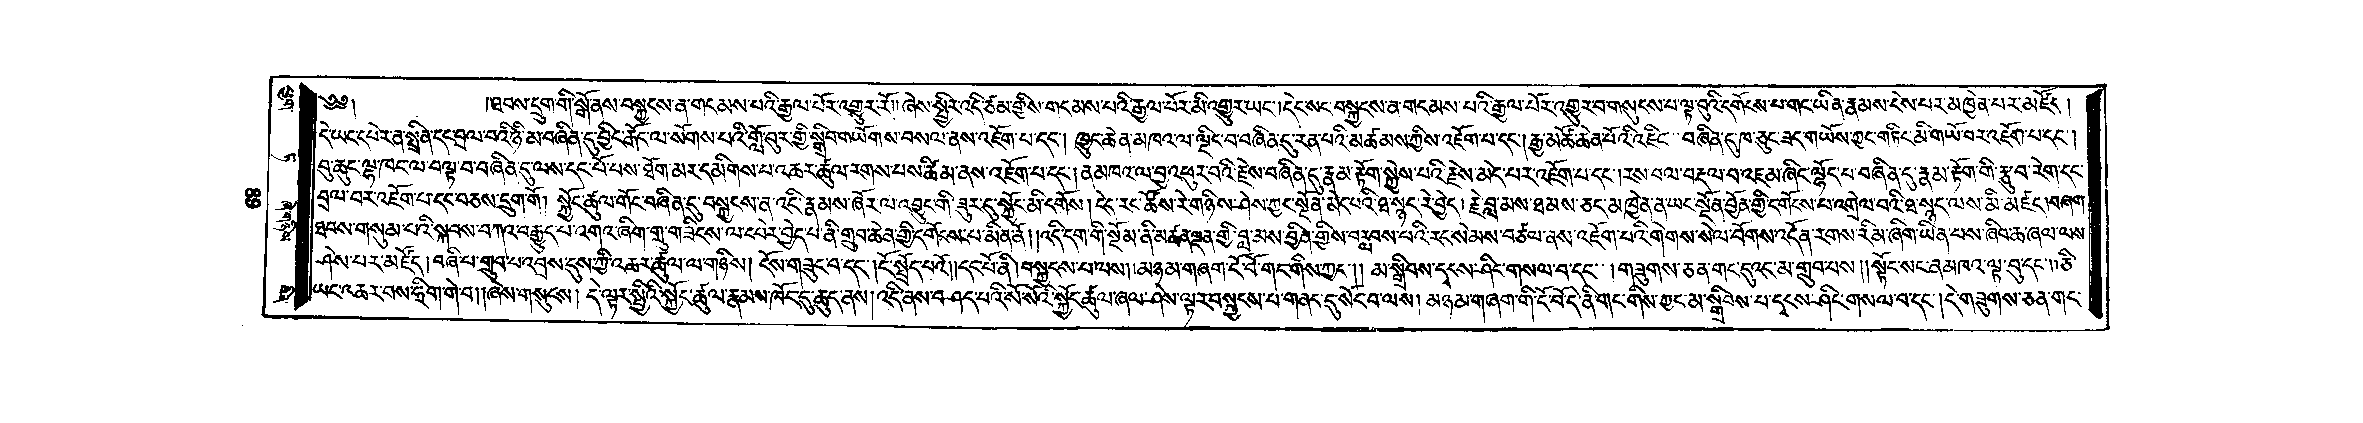༄༅། །ཐབས་དྲུག་གི་སྒོ་ནས་བསྐྱངས་ན་གདམས་པའི་རྒྱལ་པོར་འགྱུར་རོ། །ཞེས་སྤྱིར་འདི་ཙམ་གྱིས་གདམས་པའི་རྒྱལ་པོར་མི་འབྱུར་ཡང་། དེང་སང་བསྐྱངས་ན་གདམས་པའི་རྒྱལ་པོར་འགྱུར་བ་གསུངས་པ་ལྟ་བུའི་དགོངས་པ་གང་ཡིན་རྣམས་ངེས་པར་མཁྱེན་པར་མཛོད།
དེ་ཡང་དཔེར་ན་སྤྲིན་དང་བྲལ་བའི་ཉི་མ་བཞིན་དུ་བྱིང་རྒོད་ལ་སོགས་པའི་གློ་བུར་གྱི་སྒྲིབ་གཡོགས་བསལ་ནས་འཇོག་པ་དང་། ཁྱུང་ཆེན་མཁའ་ལ་ལྡིང་བ་བཞིན་དུ་རན་པའི་མཚམས་ཀྱིས་འཇོག་པ་དང་། རྒྱ་མཚོ་ཆེན་པོའི་འཇིང་བཞིན་དུ་ཁ་ཅུང་ཟད་གཡོས་ཀྱང་གཏིང་མི་གཡོ་བར་འཇོག་པ་དང་།
བུ་ཆུང་ལྷ་ཁང་ལ་བལྟ་བ་བཞིན་དུ་ལས་དང་པོ་པས་ཐོག་མར་དམིགས་པ་འཆར་ཚུལ་རགས་པས་ཚིམ་ནས་འཇོག་པ་དང་། ནམ་མཁའ་ལ་བྱ་འཕུར་བའི་རྗེས་བཞིན་དུ་རྣམ་རྟོག་སྐྱེས་པའི་རྗེས་མེད་པར་འཇོག་པ་དང་། རས་བལ་བརྡལ་བ་འཇམ་ཞིང་ལྷོད་པ་བཞིན་དུ་རྣམ་རྟོག་གི་རྩུབ་རེག་དང་
བྲལ་བར་འཇོག་པ་དང་བཅས་དྲུག་གོ །སྐྱོང་ཚུལ་གོང་བཞིན་དུ་བསྐྱངས་ན་འདི་རྣམས་ཞོར་ལ་འབྱུང་གི་ཟུར་དུ་སྐྱོང་མི་དགོས། ངེད་རང་ཚོས་རེ་གཉིས་ཤེས་ཀྱང་སྔོན་མེད་པའི་ཐ་སྙད་རེ་བྱེད། རྗེ་བླ་མས་ཐམས་ཅད་མཁྱེན་ན་ཡང་སྔོན་བྱོན་གྱི་དགོངས་པ་འགྲེལ་བའི་ཐ་སྙད་ལས་མི་མཛད། བཞག་
ཐབས་གསུམ་པའི་སྐབས་བཀའ་བརྒྱུད་པ་འགའ་ཞིག་གྲུ་གཟིངས་ལ་དཔེར་བྱེད་པ་ནི་གྲུབ་ཆེན་གྱི་དགོངས་པ་མིན་ནོ། །འདི་དག་གི་སྡོམ་ནི་མཚན་ལྡན་གྱི་བླ་མས་བྱིན་གྱིས་བརླབས་པའི་རང་སེམས་བཙལ་ནས་འཇོག་པའི་གེགས་སེལ་བོགས་འདོན་རགས་རིམ་ཞིག་ཡིན་པས་ཞིབ་ཆ་ཞལ་ལས་
ཤེས་པར་མཛོད། བཞི་པ་གྲུབ་པ་འབྲས་དུས་ཀྱི་འཆར་ཚུལ་ལ་གཉིས། ངོས་གཟུང་བ་དང་། ངོ་སྤྲོད་པའོ། །དང་པོ་ནི། བསྐྱངས་པ་ལས། མཉམ་གཞག་ངོ་བོ་གང་གིས་ཀྱང་། མ་སྒྲིབས་དྭངས་ཤིང་གསལ་བ་དང་། གཟུགས་ཅན་གང་དུའང་མ་གྲུབ་པས། སྟོང་སང་ན་མཁའ་ལྟ་བུ་དང་། ཅི་
ཡང་འཆར་བས་ཧྲིག་གེ་བ། །ཞེས་གསུངས། དེ་ལྟར་སྤྱིའི་སྐྱོང་ཚུལ་རྣམས་ཁོང་དུ་ཆུད་ནས། འདི་ནས་བཤད་པའི་སོ་སོའི་སྐྱོང་ཚུལ་ཞལ་ཤེས་ལྟར་བསྐྱངས་པ་གནང་དུ་སོང་བ་ལས། མཉམ་གཞག་གི་ངོ་བོ་དེ་ནི་གང་གིས་ཀྱང་མ་སྒྲིབས་པ་དྭངས་ཤིང་གསལ་བ་དང་། དེ་གཟུགས་ཅན་གང་